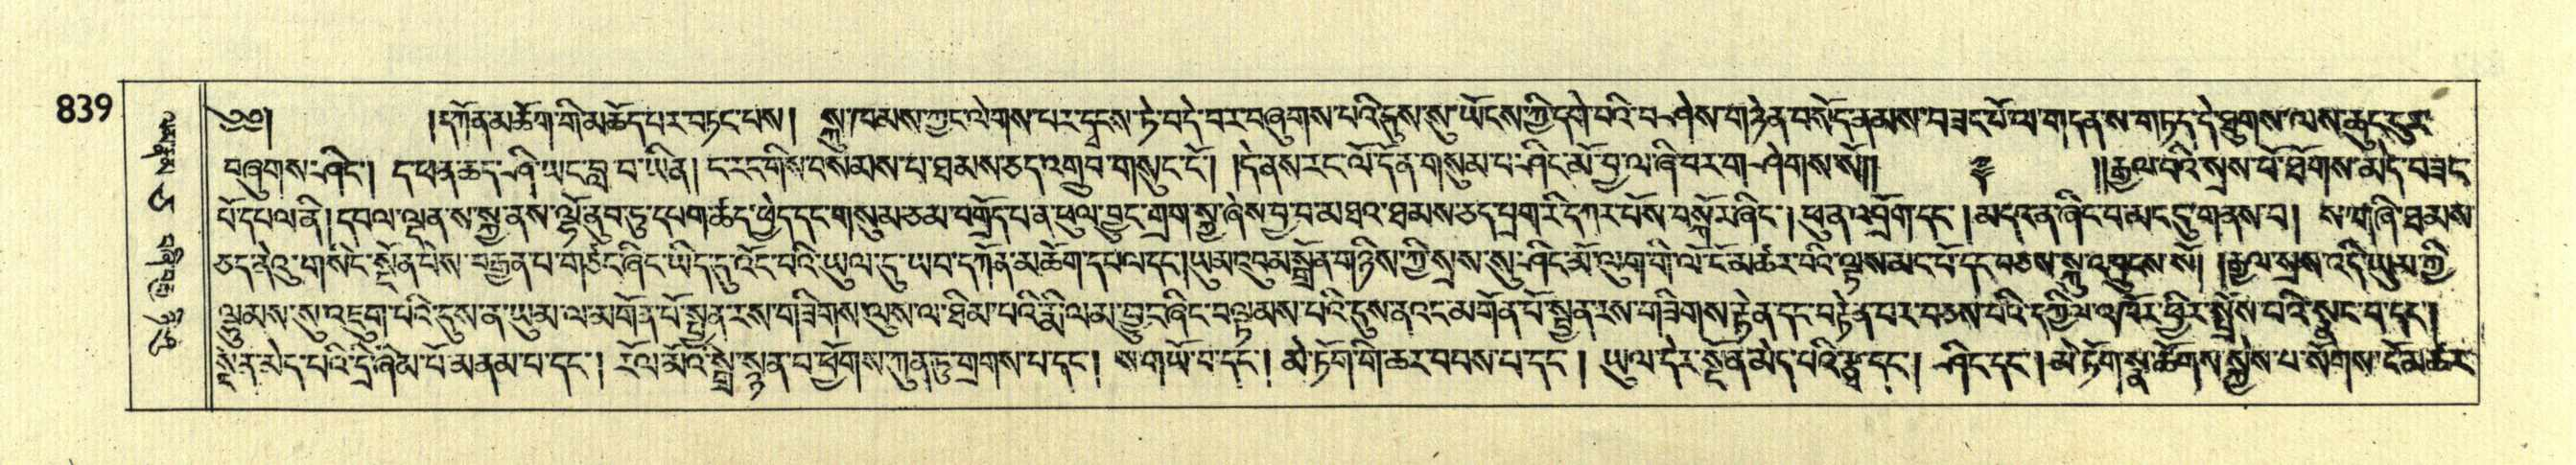༄༅། །དཀོན་མཆོག་གི་མཆོད་པར་བཏང་པས། སྐུ་ཁམས་ཀྱང་ལེགས་པར་དྭངས་ཏེ་བདེ་བར་བཞུགས་པའི་དུས་སུ་ཡོངས་ཀྱི་དགེ་བའི་བཤེས་གཉེན་བསོད་ནམས་བཟང་པོ་ལ་གདན་ས་གཏད་དེ་ཐུགས་ལས་ཆུང་ངུར་
བཞུགས་ཤིང་། ད་ཕན་ཆད་ཤི་ཡང་བླ་བ་ཡིན། ང་རང་གིས་བསམས་པ་ཐམས་ཅད་འགྲུབ་གསུང་ངོ། །དེ་ནས་རང་ལོ་དོན་གསུམ་པ་ཤིང་མོ་བྱ་ལ་ཞི་བར་གཤེགས་སོ།། ༈ །།རྒྱལ་བའི་སྲས་པོ་ཐོགས་མེད་བཟང་
པོ་དཔལ་ནི། དཔལ་ལྡན་ས་སྐྱ་ནས་ལྷོ་ནུབ་ཏུ་དཔག་ཚད་ཕྱེད་དང་གསུམ་ཅམ་བགྲོད་པ་ན་ཕུལ་བྱུང་གྲག་སྐྱ་ཞེས་བྱ་བ་མཐའ་ཐམས་ཅད་པྲག་རི་དཀར་པོས་བསྐོར་ཞིང་། ཕུན་འབྲོག་དང་།མདའ་ན་ཞིང་བ་མང་དུ་གནས་བ། ས་གཞི་ཐམས་
ཅད་ནེའུ་གསིང་སྔོན་པེས་བརྒྱན་པ་གཙང་ཞིང་ཡིད་དུ་འོང་བའི་ཡུལ་དུ་ཡབ་དཀོན་མཆོག་དཔལ་དང་།ཡུམ་འབུམ་སྒྲོན་གཉིས་ཀྱི་སྲས་སུ་ཤིང་མོ་ལུག་གི་ལོ་ངོ་མཚར་བའི་ལྟས་མང་པོ་དང་བཅས་སྐུ་འཁྲུངས་སོ། །རྒྱལ་སྲས་འདི་ཡུམ་གྱི་
ལྷུམས་སུ་འཇུག་པའི་དུས་ན་ཡུམ་ལ་མགོན་པོ་སྤྱན་རས་གཟིགས་ལུས་ལ་ཐིམ་པའི་རྨི་ལམ་བྱུང་ཞིང་བལྟམས་པའི་དུས་ནའང་མགོན་པོ་སྤྱན་རས་གཟིགས་རྟེན་དང་བརྟེན་པར་བཅས་པའི་དཀྱིལ་འཁོར་ཕྱིར་སྤྲོས་པའི་སྣང་བ་དང་།
སྔོན་མེད་པའི་དྲི་ཞིམ་པོ་མནམ་པ་དང་། རོལ་མོའི་སྒྲི་སྙན་པ་ཕྱོགས་ཀུན་ཏུ་གྲགས་པ་དང་། ས་གཡོ་བ་དང་། མེ་ཏོག་གི་ཆར་བབས་པ་དང་། ཡུལ་དེར་སྔོན་མེད་པའི་རྩྭ་དང་། ཤིང་དང་། མེ་ཏོག་སྣ་ཚོགས་སྐྱེས་པ་སོགས་ངོ་མཚར་